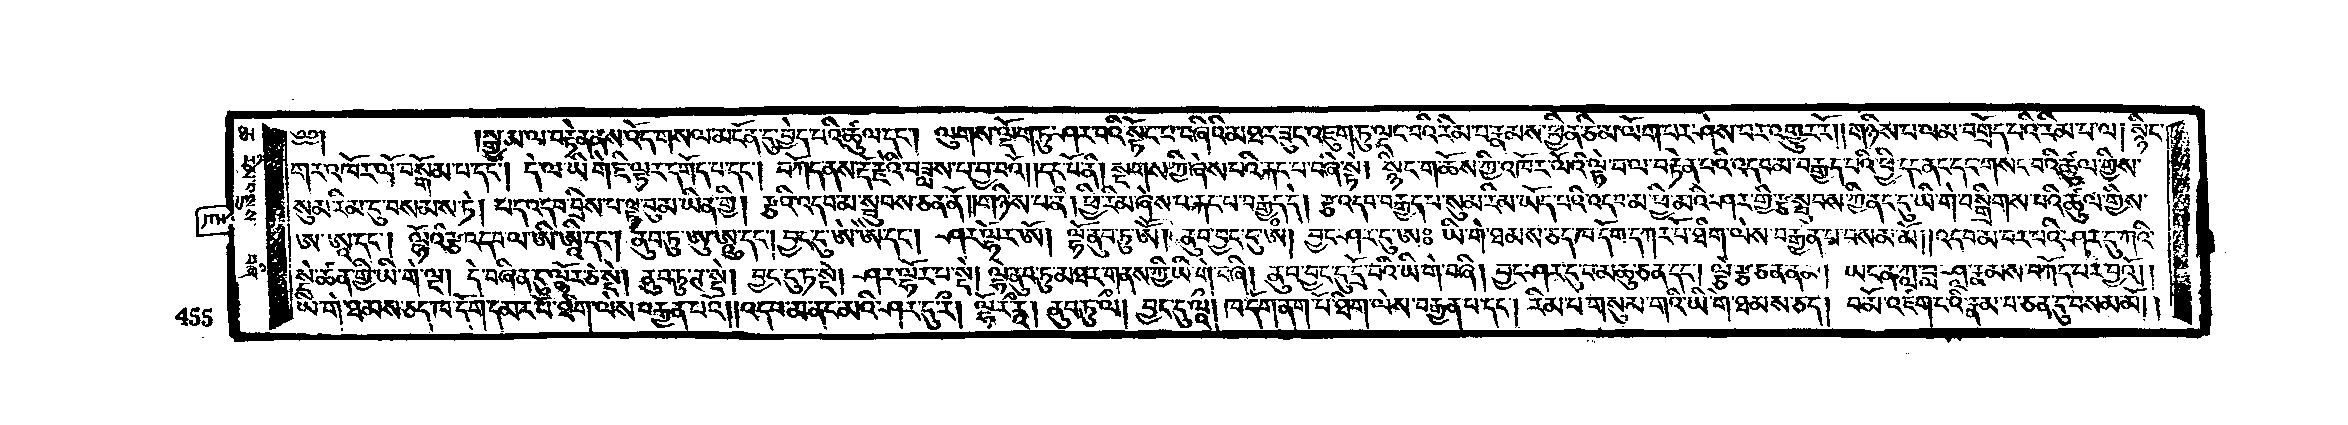༄༅། །སྒྱུ་མ་ལ་བརྟེན་ནས་འོད་གསལ་མངོན་དུ་བྱེད་པའི་ཚུལ་དང་། ལུགས་ལྡོག་ཏུ་ཤར་བའི་སྟེང་པ་བཞིའི་མཐར་ཟུང་འཇུག་ཏུ་ལྡང་བའི་རིམ་པ་རྣམས་ཕྱིན་ཅི་མ་ལོག་པར་ཤེས་པར་འགྱུར་རོ། །གཉིས་པ་ལམ་བགྲོད་པའི་རིམ་པ་ལ། སྙིང་
གར་འཁོར་ལོ་བསྒོམ་པ་དང་། དེ་ལ་ཡི་གེ་ཇི་ལྟར་དགོད་པ་དང་། བཀོད་ནས་རྡོ་རྗེའི་བཟླས་པ་བྱ་བའོ། །དང་པོ་ནི། སྔགས་ཀྱི་ཞེས་པའི་རྐང་པ་བཞི་སྟེ། སྙིང་ག་ཆོས་ཀྱི་འཁོར་ལོའི་ལྟེ་བ་ལ་བརྟེན་པའི་འདབ་མ་བརྒྱད་པའི་ཕྱི་དང་ནང་དང་གསང་བའི་ཚུལ་གྱིས་
སུམ་རིམ་དུ་བསམས་ཏེ། པད་འདབ་བྲིས་པ་ལྟ་བུ་མ་ཡིན་གྱི། རྩའི་འདབ་མ་སྦུབས་ཅན་ནོ། །གཉིས་པ་ནི། ཕྱི་རིམ་ཞེས་པ་རྐང་པ་བརྒྱད་དེ། རྩ་འདབ་བརྒྱད་པ་སུམ་རིམ་ཡོད་པའི་འདབ་མ་ཕྱི་མའི་ཤར་གྱི་རྩ་སྦུབས་ཀྱི་ནང་དུ་ཡི་གེ་བསྒྲིགས་པའི་ཚུལ་གྱིས་
ཨ་ཨཱ་དང་། ལྷོའི་རྩ་འདབ་ལ་ཨི་ཨཱི་དང་། ནུབ་ཏུ་ཨུ་ཨཱུ་དང་། བྱང་དུ་ཨེ་ཨཻ་དང་། ཤར་ལྷོར་ཨོ། ལྷོ་ནུབ་ཏུ་ཨཽ། ནུབ་བྱང་དུ་ཨཾ། བྱང་ཤར་དུ་ཨཿ ཡི་གེ་ཐམས་ཅད་ཁ་དོག་དཀར་པོ་ཐིག་ལེས་བརྒྱན་པ་བསམ་མོ། །འདབ་མ་བར་པའི་ཤར་དུ་ཀའི་
སྡེ་ཚན་གྱི་ཡི་གེ་ལྔ། དེ་བཞིན་དུ་ལྷོར་ཅེ་སྡེ། ནུབ་ཏུ་ཊ་སྡེ། བྱང་དུ་ཏ་སྡེ། ཤར་ལྷོར་པ་སྡེ། ལྷོ་ནུབ་ཏུ་མཐར་གནས་ཀྱི་ཡི་གེ་བཞི། ནུབ་བྱང་དུ་དྲོ་བའི་ཡི་གེ་བཞི། བྱང་ཤར་དུ་བ་མཆུ་ཅན་དང་། ལྕེ་རྩ་ཅན་ནམ། ཡང་ན་ཀླ་པླ་ཤླ་རྣམས་བཀོད་པར་བྱའོ།།
ཡི་གེ་ཐམས་ཅད་ཁ་དོག་དམར་པོ་ཐིག་ལེས་བརྒྱན་པའོ། །འདབ་མ་ནང་མའི་ཤར་དུ་རྀ། ལྷོར་རཱྀ། ནུབ་ཏུ་ལྀ། བྱང་དུ་ལཱྀ། ཁ་དོག་ནག་པོ་ཐིག་ལེས་བརྒྱན་པ་དང་། རིམ་པ་གསུམ་གའི་ཡི་གེ་ཐམས་ཅད། བ་མོ་འཛག་པའི་རྣམ་པ་ཅན་དུ་བསམ་མོ། །